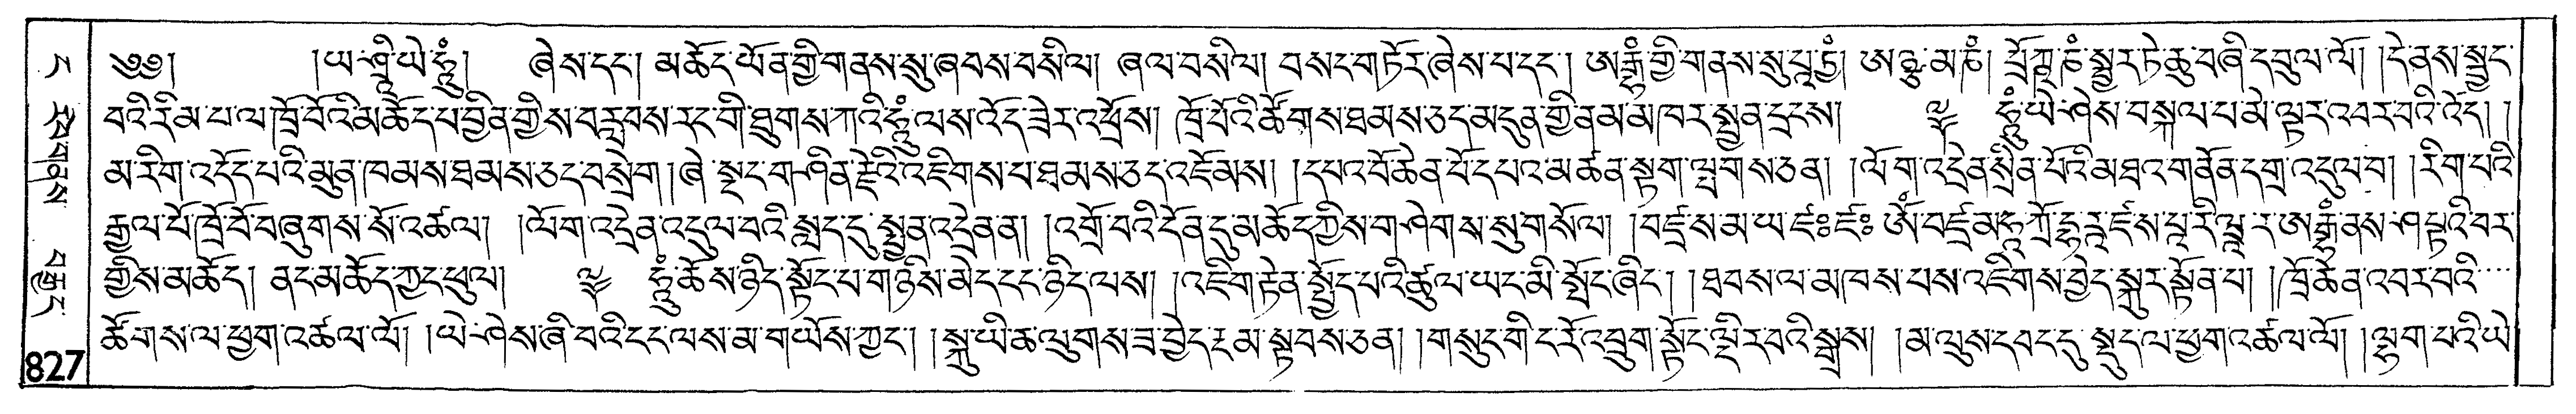༄༅། །ཡ་ཤྲཱི་ཡེ་ཧཱུཾ། ཞེས་དང་། མཆོད་ཡོན་གྱི་གནས་སུ་ཞབས་བསིལ། ཞལ་བསིལ། བསང་གཏོར་ཞེས་པ་དང་། ཨརྒྷཾ་གྱི་གནས་སུ་པཱ་ཏྱཾ། ཨཉྩ་མ་ཎཾ། པྲོཀྵ་ཎཾ་སྦྱར་ཏེ་ཆུ་བཞི་དབུལ་ལོ། །དེ་ནས་སྦྱང་
བའི་རིམ་པ་ལ་ཁྲོ་བོའི་མཆོད་པ་བྱིན་གྱིས་བརླབས་རང་གི་ཐུགས་ཀའི་ཧཱུཾ་ལས་འོད་ཟེར་འཕྲོས། ཁྲོ་བོའི་ཚོགས་ཐམས་ཅད་མདུན་གྱི་ནམ་མཁར་སྤྱན་དྲངས། ༈ ཧཱུཾ་ཡེ་ཤེས་བསྐལ་པ་མེ་ལྟར་འབར་བའི་འོད། །
མ་རིག་འདོད་པའི་མུན་ཁམས་ཐམས་ཅད་བསྲེག །ཞེ་སྡང་གཤིན་རྗེའི་འཇིགས་པ་ཐམས་ཅད་འཇོམས། །དཔའ་བོ་ཆེན་པོ་དཔའ་མཚན་སྟག་ལྤགས་ཅན། །ལོག་འདྲེན་སྲིན་པོའི་མཐའ་གནོན་དགྲ་འདུལ་བ། །རིག་པའི་
རྒྱལ་པོ་ཁྲོ་བོ་བཞུགས་སོ་འཚལ། །ལོག་འདྲེན་འདུལ་བའི་སླད་དུ་སྤྱན་འདྲེན་ན། །འགྲོ་བའི་དོན་དུ་མཆོད་ཀྱིས་གཤེགས་སུ་གསོལ། །བཛྲ་ས་མ་ཡ་ཛཿ ཛཿ ཨོཾ་བཛྲ་མཧཱ་ཀྲོ་དྷ་རཱ་ཛ་ས་པཱ་རི་ཝཱ་ར་ཨརྒྷཾ་ནས་ཤཔྟའི་བར་
གྱིས་མཆོད། ནང་མཆོད་ཀྱང་ཕུལ། ༈ ཧཱུཾ་ཆོས་ཉིད་སྟོང་པ་གཉིས་མེད་དང་ཉིད་ལས། །འཇིག་རྟེན་སྤྱོད་པའི་ཚུལ་ཡང་མི་སྤོང་ཞིང་། །ཐབས་ལ་མཁས་པས་འཇིགས་བྱེད་སྐུར་སྟོན་པ། །ཁྲོ་ཆེན་འབར་བའི་
ཚོགས་ལ་ཕྱག་འཚལ་ལོ། །ཡེ་ཤེས་ཞི་བའི་ངང་ལས་མ་གཡོས་ཀྱང་། །སྐུ་ཡི་ཆ་ལུགས་ཟ་བྱེད་རྔམ་སྟབས་ཅན། །གསུང་གི་ང་རོ་འབྲུག་སྟོང་ལྡིར་བའི་སྒྲས། །མ་ལུས་དབང་དུ་སྡུད་ལ་ཕྱག་འཚལ་ལོ། །ལྷག་པའི་ཡེ་